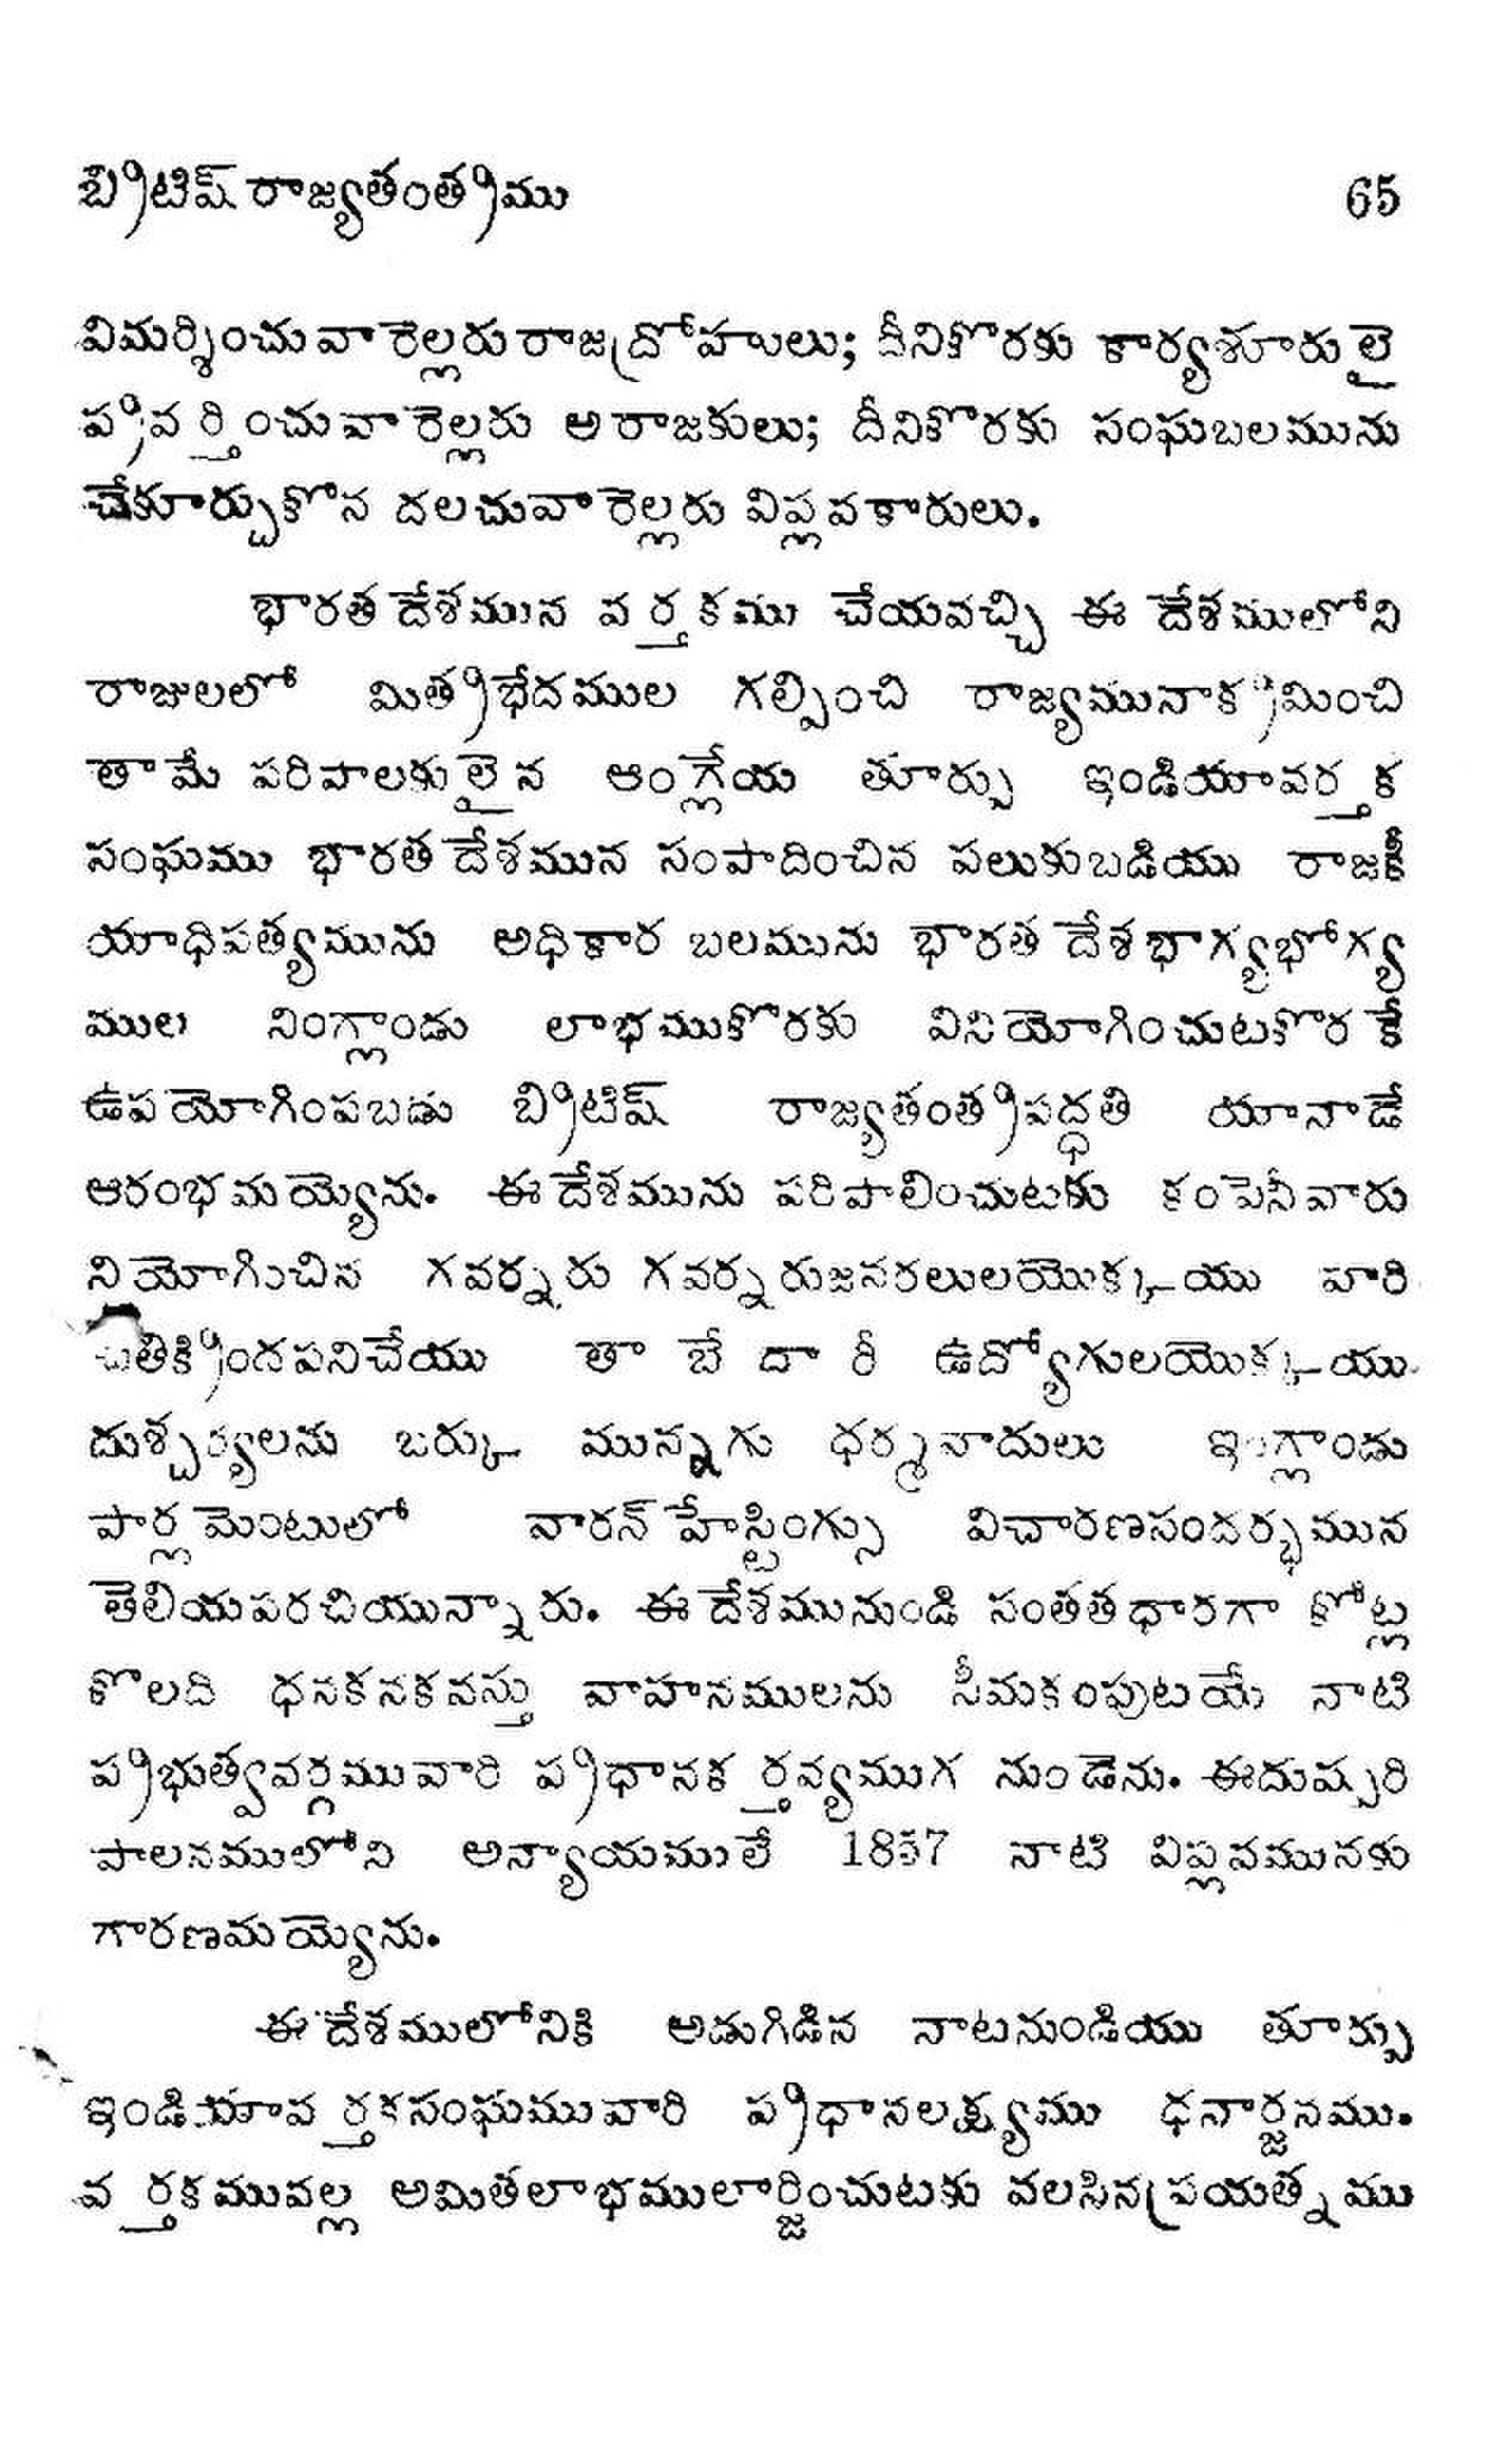విమర్శించువారెల్లరురాజద్రోహులు; దీనికొరకు కార్యశూరులై ప్రవర్తించువారెల్లరు అరాజకులు; దీనికొరకు సంఘబలమును చేకూర్చుకొన దలచువారెల్లరు విప్లవకారులు.

భారతదేశమున వర్తకము చేయవచ్చి ఈ దేశములోని రాజులలో మిత్రభేదముల గల్పించి రాజ్యమునాక్రమించి తామే పరిపాలకులైన ఆంగ్లేయ తూర్పు ఇండియావర్తకసంఘము భారతదేశమున సంపాదించిన పలుకుబడియు రాజకీయాధిపత్యమును అధికారబలమును భారతదేశ భాగ్యభోగ్యములు నింగ్లాండు లాభముకొరకు వినియోగించుటకొరకే ఉపయోగింపబడు బ్రిటిష్ రాజ్యతంత్రపద్దతి యానాడే ఆరంభమయ్యెను. ఈదేశమును పరిపాలించుటకు కంపెనీవారు నియోగించిన గవర్నరు గవర్నరుజనరలులయొక్కయు వారి చేతిక్రిందపనిచేయు తాబేదారీ ఉద్యోగులయొక్కయు. దుశ్చర్యలను బర్కు మున్నగు ధర్మవాదులు ఇగ్లాండు పార్లమెంటులో వారన్‌హేస్టింగ్సు విచారణసందర్భమున తెలియపరచియున్నారు. ఈ దేశమునుండి సంతతధారగా కోట్లకొలది ధనకనకవస్తు వాహనములను సీమకంపుటయే నాటి ప్రభుత్వవర్గమువారి ప్రధానకర్తవ్యముగ నుండెను. ఈదుష్పరిపాలనములోని అన్యాయములే 1857 నాటి విప్లవమునకు గారణమయ్యెను.

ఈదేశములోనికి అడుగిడిన నాటనుండియు తూర్పు ఇండియూవర్తకసంఘమువారి ప్రధానలక్ష్యము ధనార్జనము. వర్తకమువల్ల అమితలాభములార్జించుటకు వలసిన ప్రయత్నము